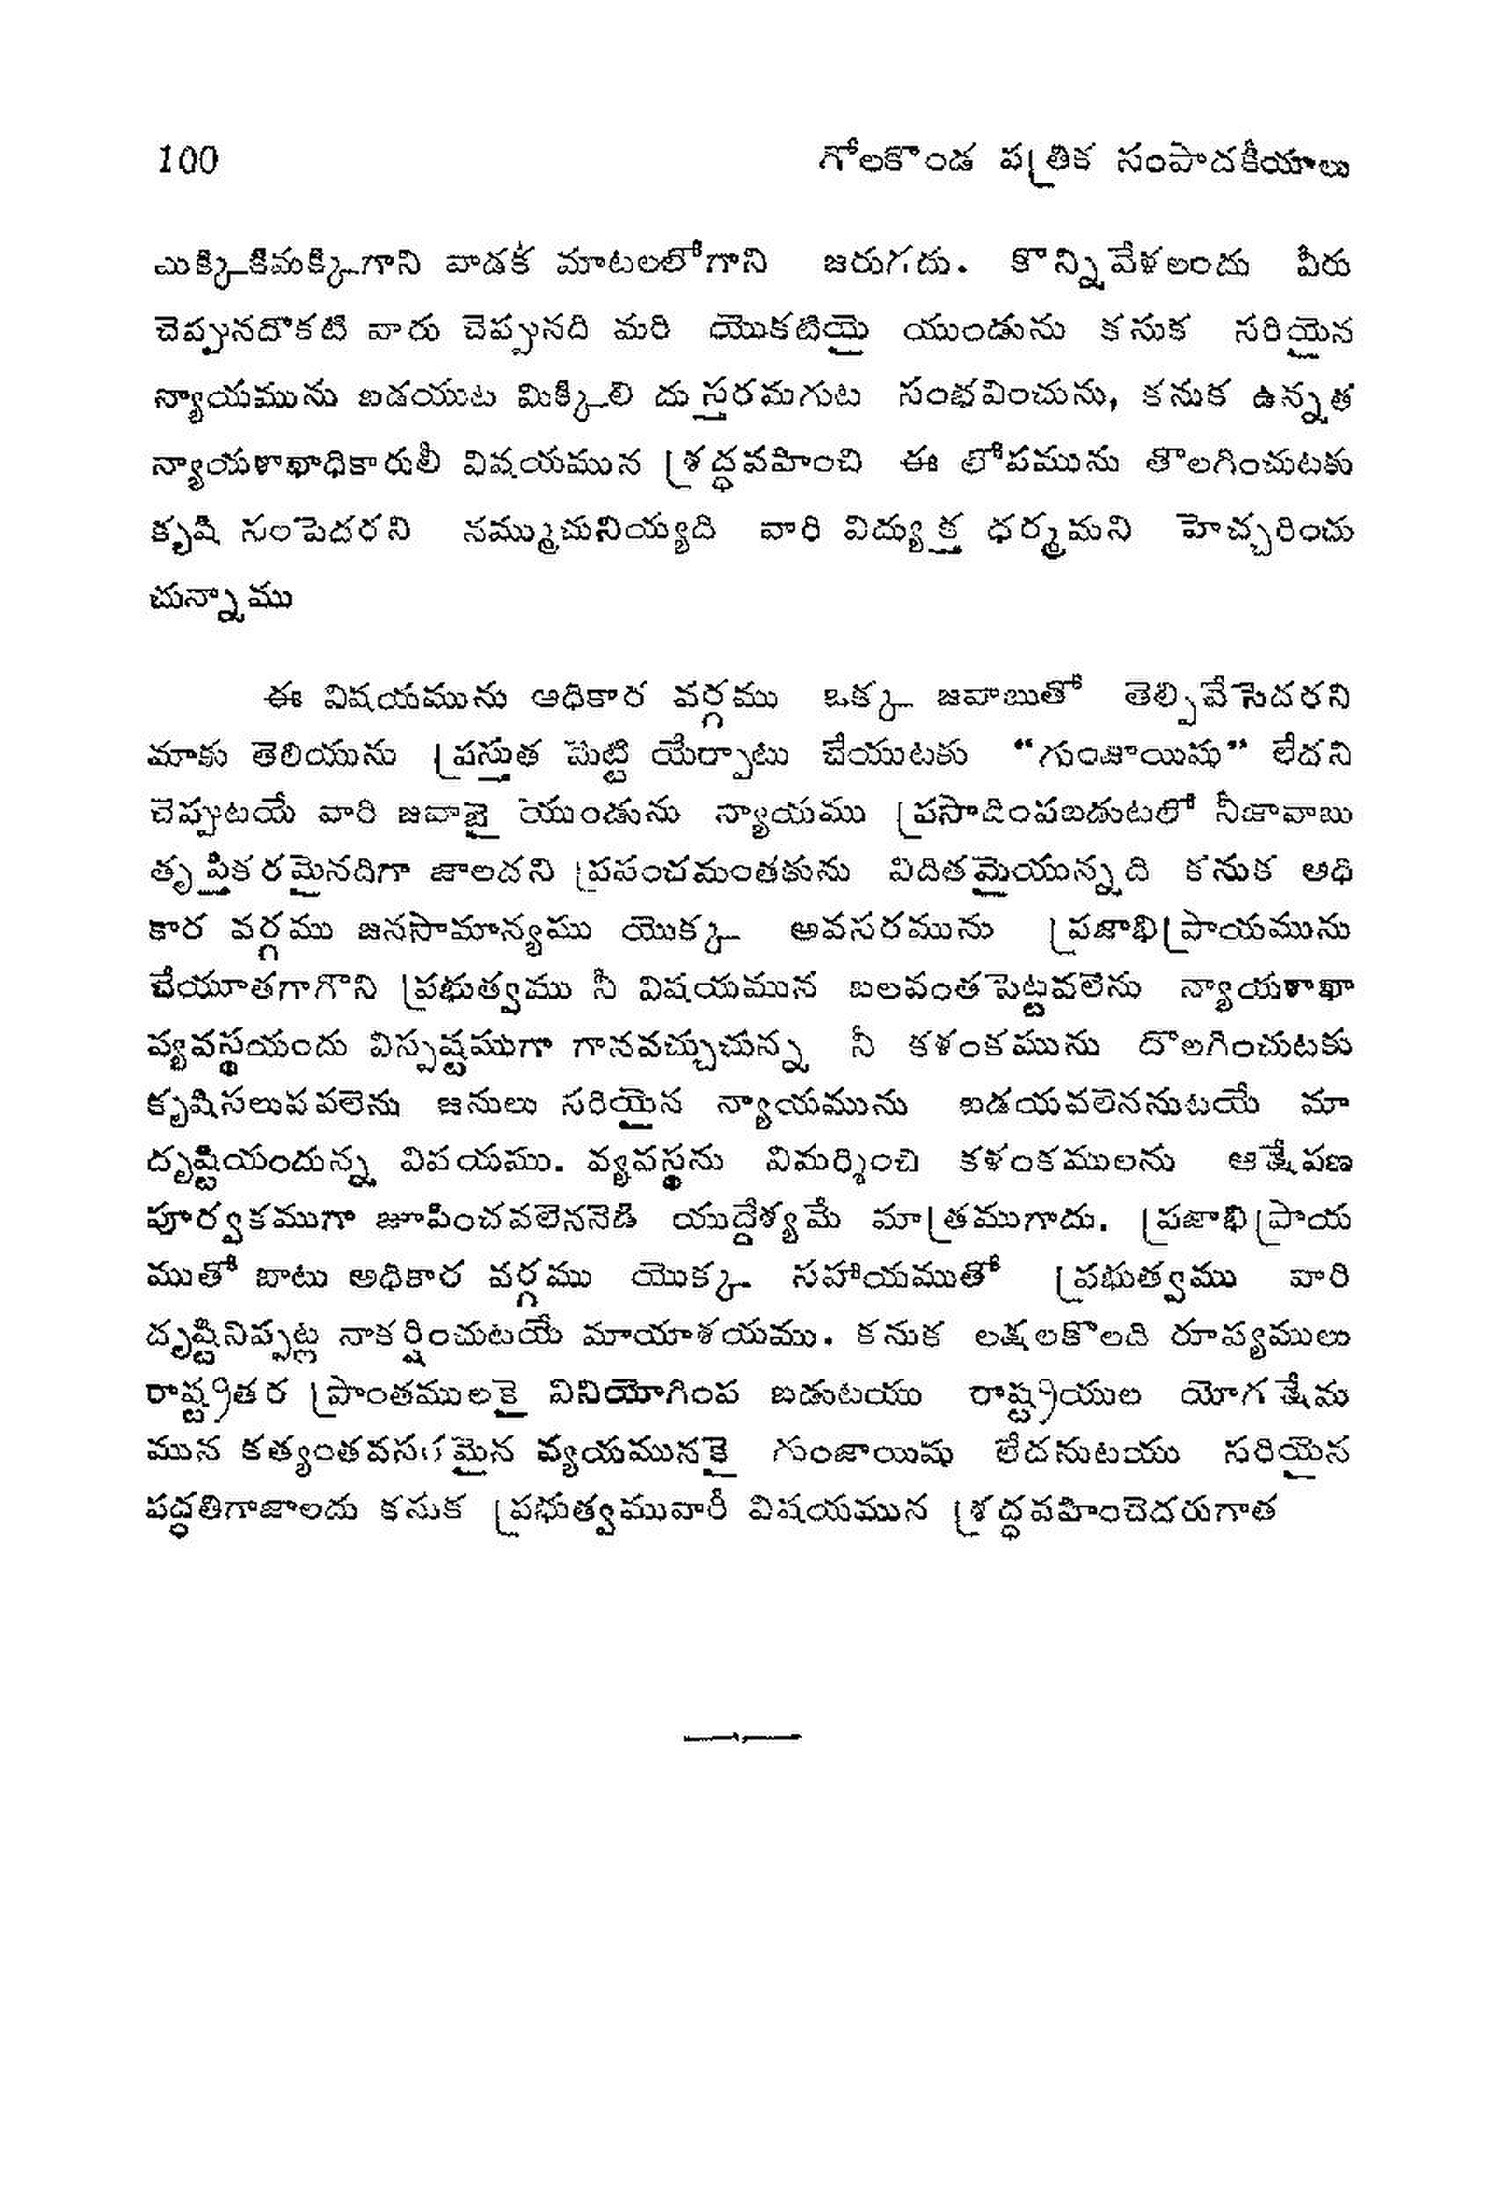మక్కికిమక్కిగాని వాడక మాటలలోగాని జరుగదు. కొన్ని వేళలందు వీరు చెప్పునదొకటి వారు చెప్పునది మరి యొకటియై యుండును కనుక సరియైన న్యాయమును బడయుట మిక్కిలి దుస్తరమగుట సంభవించును, కనుక ఉన్నత న్యాయశాఖాధికారులీ విషయమున శ్రద్ధవహించి ఈ లోపమును తొలగించుటకు కృషి సలిపెదరని నమ్ముచునియ్యది వారి విద్యుక్త ధర్మమని హెచ్చరించుచున్నాము

ఈ విషయమును అధికార వర్గము ఒక్క జవాబుతో తెల్పివేసెదరని మాకు తెలియును ప్రస్తుత మెట్టి యేర్పాటు చేయుటకు "గుంజాయిషు" లేదని చెప్పుటయే వారి జవాబై యుండును న్యాయము ప్రసాదింపబడుటలో నీజావాబు
తృప్తికరమైనదిగా జాలదని ప్రపంచమంతకును విదితమైయున్నది కనుక అధికార వర్గము జనసామాన్యము యొక్క అవసరమును ప్రజాభిప్రాయమును చేయూతగాగొని ప్రభుత్వము నీ విషయమున బలవంతపెట్టవలెను న్యాయశాఖా
వ్యవస్థయందు విస్పష్టముగా గానవచ్చుచున్న నీ కళంకమును దొలగించుటకు కృషిసలుపవలెను జనులు సరియైన న్యాయమును బడయవలెననుటయే మా దృష్టియందున్న విషయము. వ్యవస్థను విమర్శించి కళంకములను ఆక్షేపణ
పూర్వకముగా జూపించవలెననెడి యుద్దేశ్యమే మాత్రముగాదు. ప్రజాభిప్రాయముతో బాటు అధికార వర్గము యొక్క సహాయముతో ప్రభుత్వము వారి దృష్టినిప్పట్ల నాకర్షించుటయే మాయాశయము. కనుక లక్షల కొలది రూప్యములు
రాష్ట్రతర ప్రాంతములకై వినియోగింప బడుటయు రాష్ట్రయుల యోగక్షేమమున కత్యంతవసరమైన వ్యయమునకై గుంజాయిషు లేదనుటయు సరియైన పద్ధతిగాజాలదు కనుక ప్రభుత్వమువారీ విషయమున శ్రద్ధవహించెదరుగాత